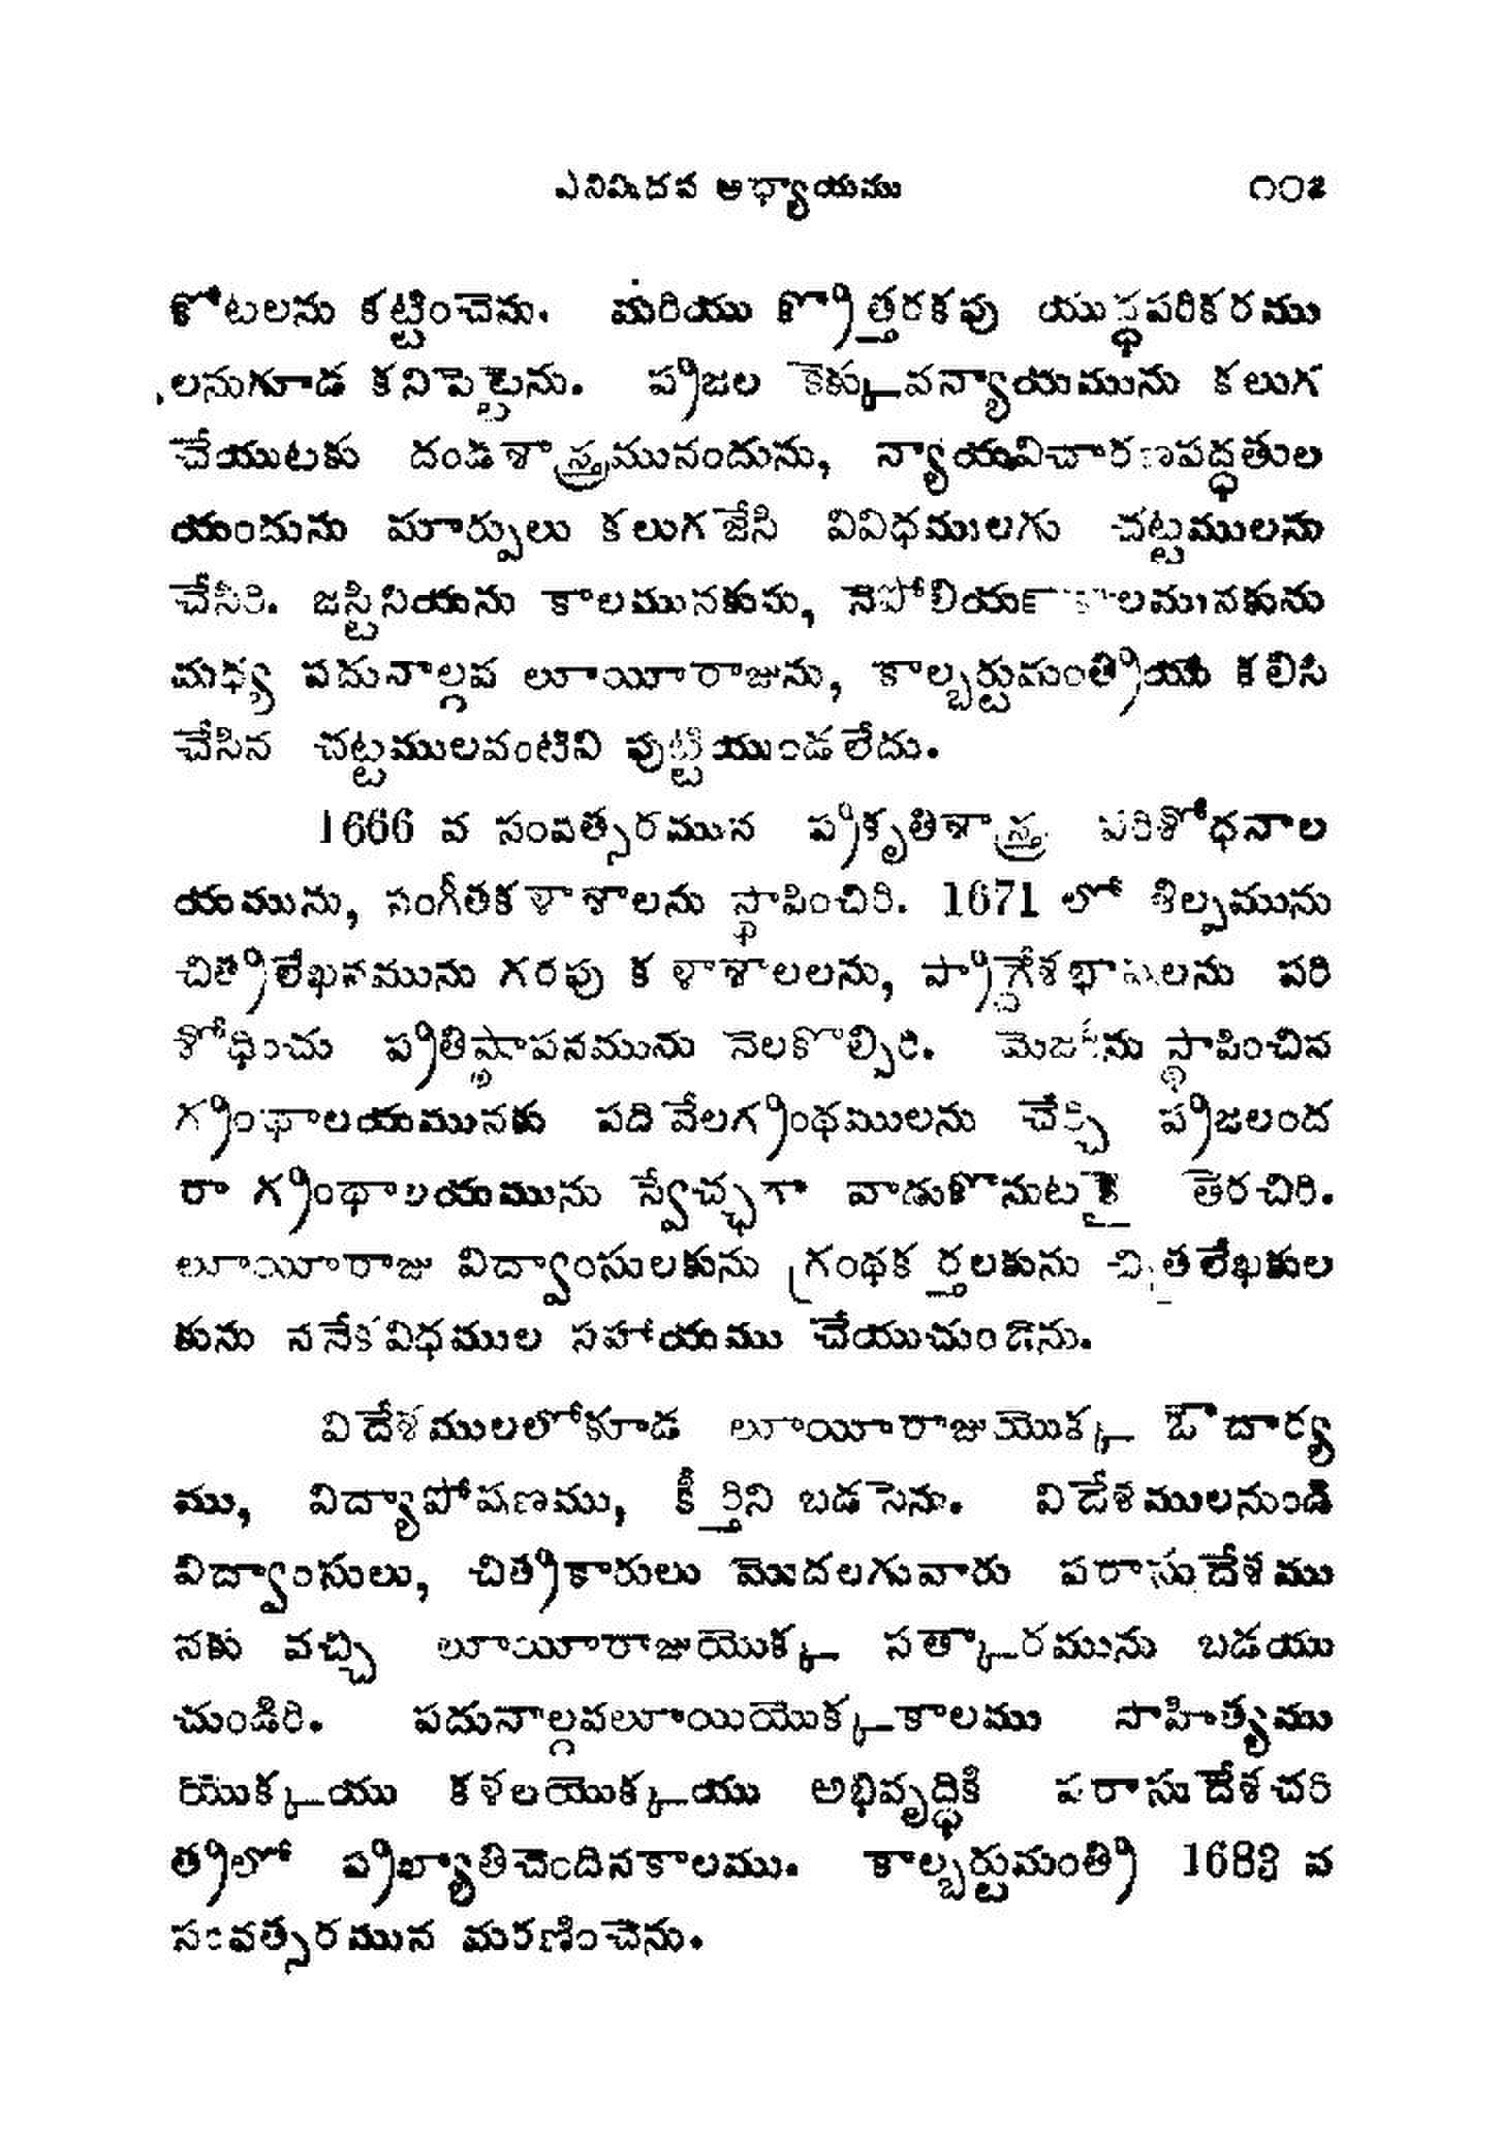యేకలిసి
కోటలను కట్టించెను. మరియు కొత్తరకపు యుద్ధపరికరము
లనుగూడ కని పెట్టెను. ప్రజల కెక్కువ న్యాయమును కలుగ
చేయుటకు దండ శాస్త్రమునందును, న్యాయవిచారణ : పద్దతుల
యందును మార్పులు కలుగ జేసి వివిధములగు చట్టములను
చేసి. జస్టీసియసు కాలమునకును, నెపోలియన్ కాలమునకును
మధ్య పదునాల్గవ లూయీ రాజును, కాల్బర్టుమంత్రియే కలిసి
చేసిన చట్టముల వంటివి పుట్టి యుండ లేదు.

1666 వ సంవత్సరమున ప్రకృతి శాస్త్ర పరిశోధనాల
యమును, సంగీతకళాశాలను స్థాపించిరి. 1671 లో శిల్పమును
చిత్ర లేఖనమును గరపు కళాశాలలను, ప్రాగ్దేశ భాషలను పరి
శోధించు ప్రతిష్టాపనమును నెలకొల్పిరి. మెజరీను స్థాపించిన
గ్రంథాలయమునకు పది వేలగ్రంథఘులను చేర్చి ప్రజలంద
రా గ్రంథాలయమును స్వేచ్ఛగా వాడుకొనుటకై తెరచిరి.
లూయీ రాజు విద్వాంసులకును గ్రంథకర్తలకును చిత్ర లేఖకుల
కును ననేక విధముల సహాయము చేయుచుండెను.

విదేశ ములలోకూడ లూయీరాజు యొక్క ఔదార్య
ము, విద్యా పోషణము, కీర్తిని బడసెను..విదేశములనుండి
విద్వాంసులు, చిత్ర కారులు మొదలగువారు పరాసుదేశము
నకు వచ్చి లూయీరాజు యొక్క సత్కారమును బడయు
చుండిరి. పదునాల్గవ లూయి యొక్క కాలము సాహిత్యము
యొక్కయు కళల యొక్కయు అభివృద్ధి పరాసు దేశ చరి
త్రలో ప్రఖ్యాతి చెందిన కాలము. కాల్బర్టుమంత్రి, 1683 వ
సంవత్సరమున మరణించెను.